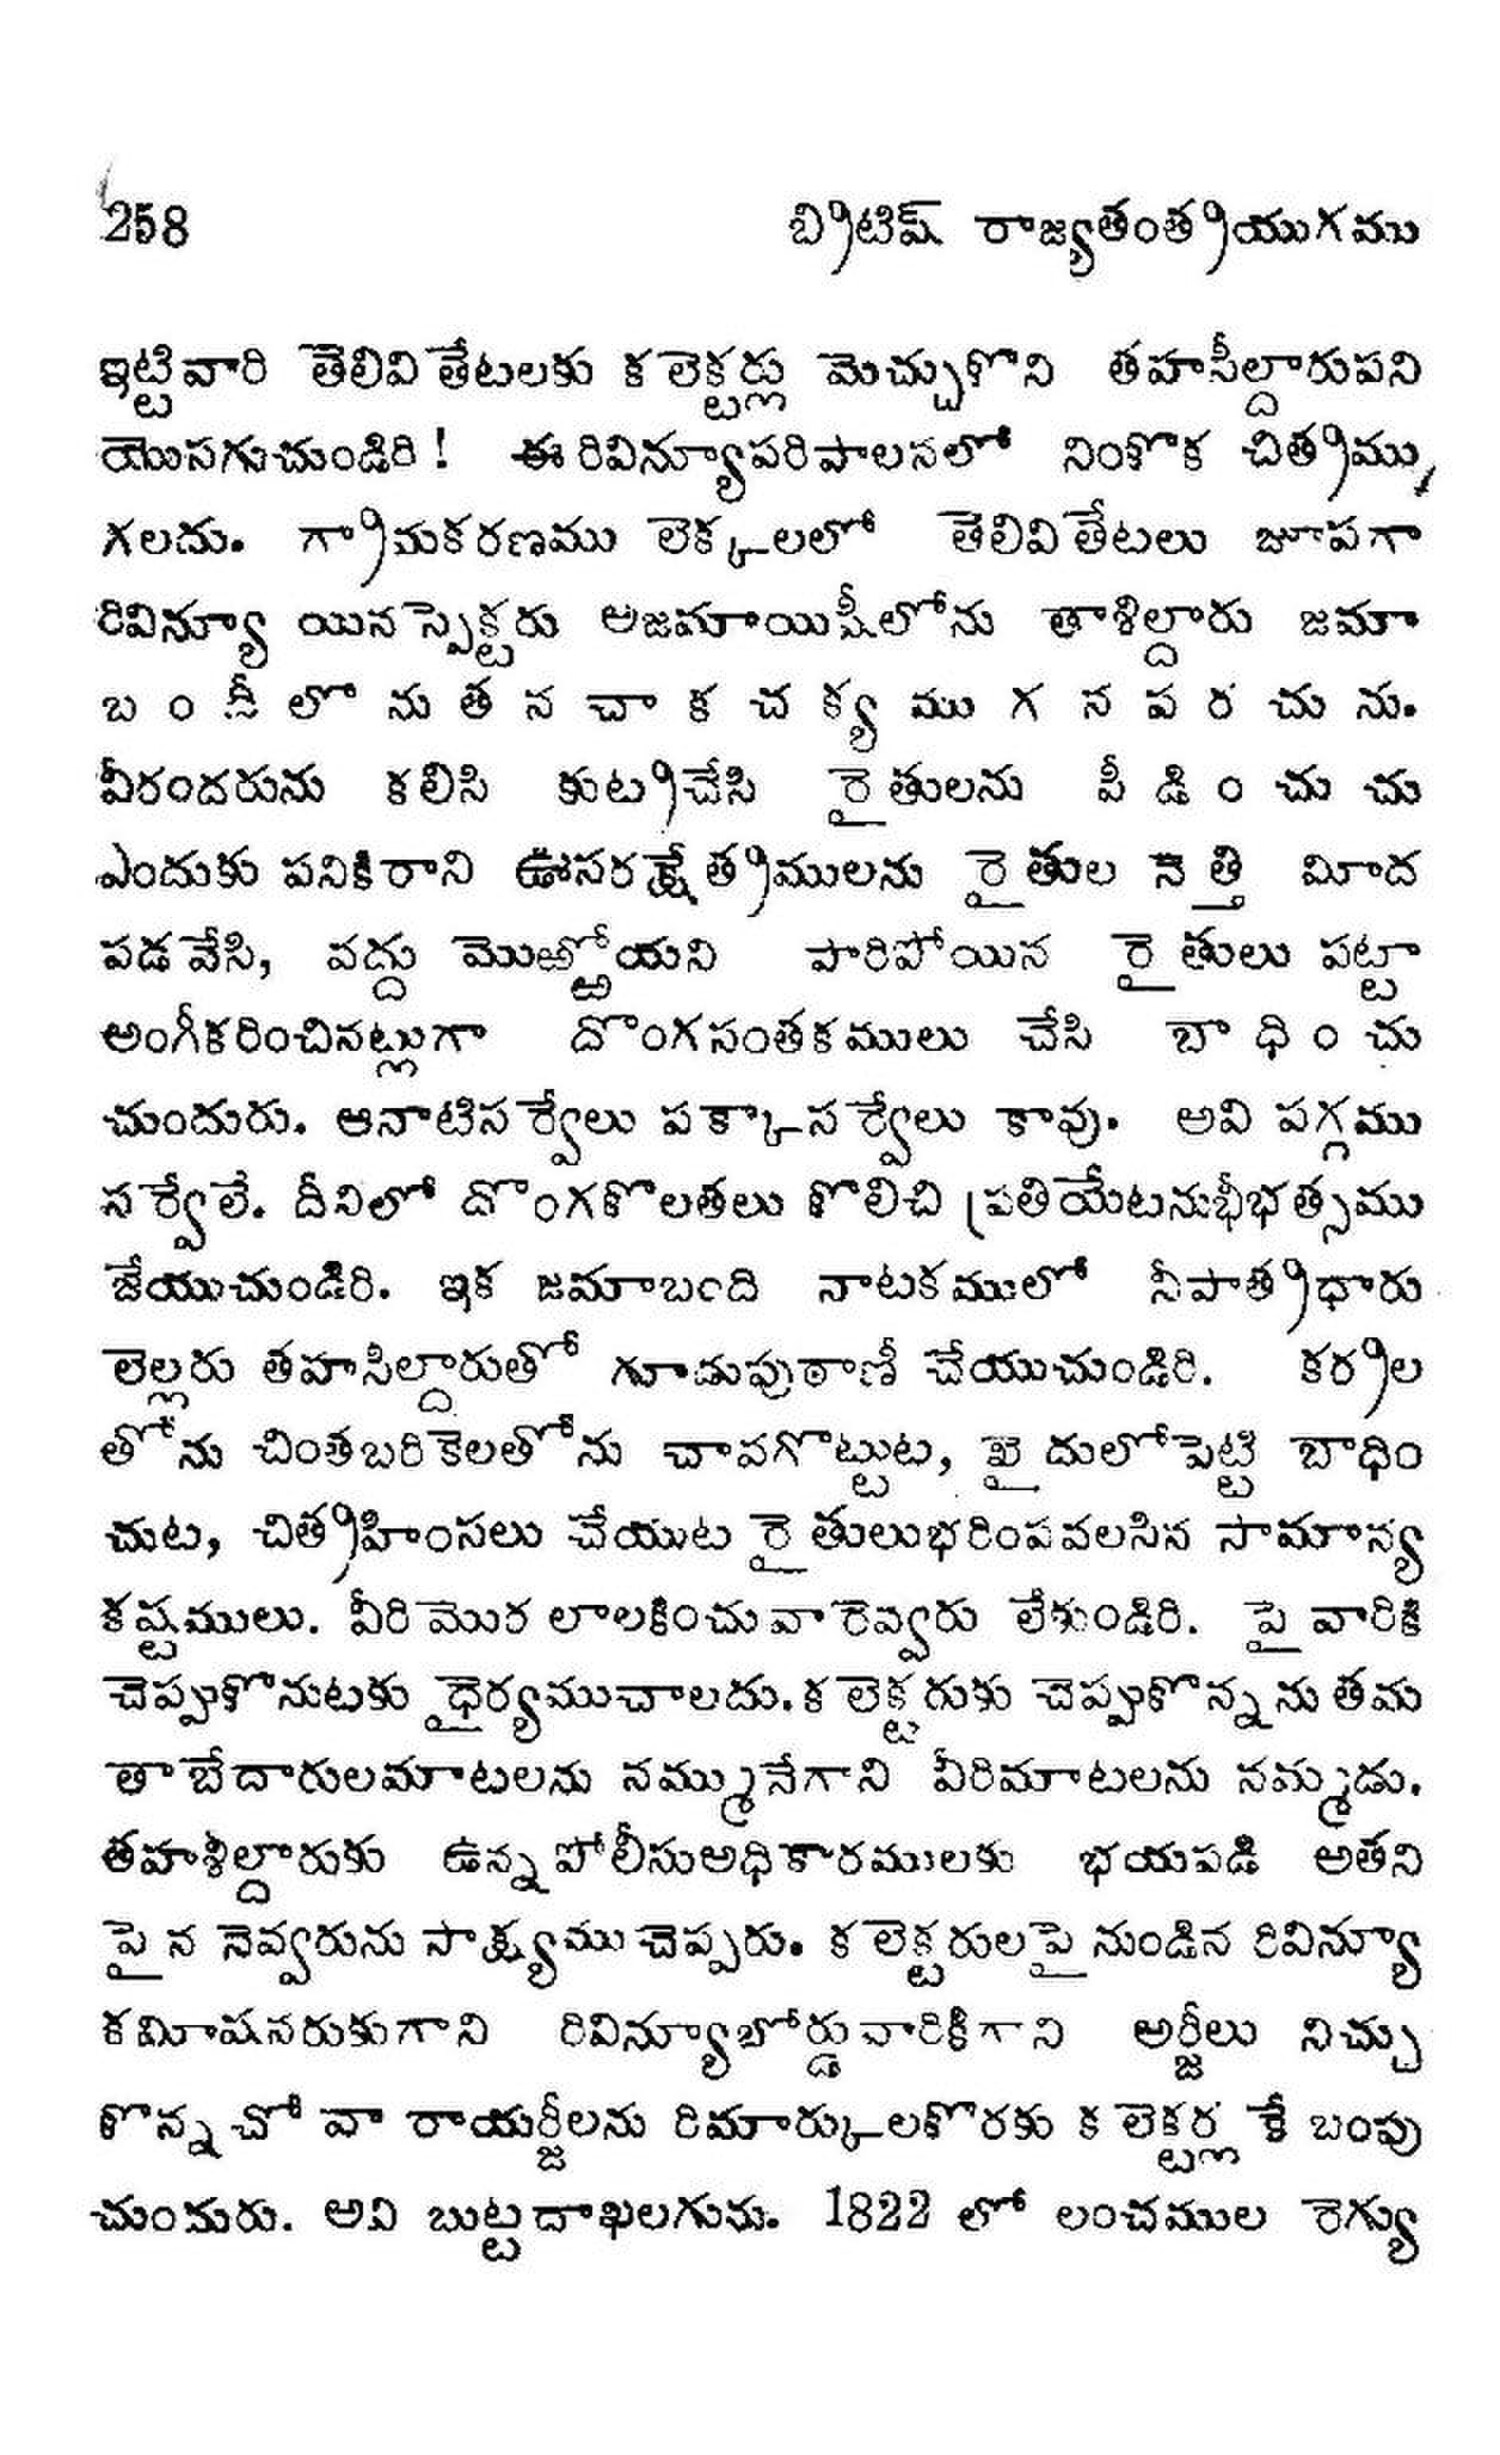ఇట్టివారి తెలివితేటలకు కలెక్టర్లు మెచ్చుకొని తహసీల్దారుపని యొసగుచుండిరి! ఈ రివిన్యూపరిపాలనలో నింకొక చిత్రము గలదు. గ్రామకరణము లెక్కలలో తెలివితేటలు జూపగా రివిన్యూ యినస్పెక్టరు అజమాయిషీలోను తాశిల్దారు జమాబందీలోను తనచాకచక్యము గనపరచును. వీరందరును కలిసి కుట్రచేసి రైతులను పీడించుచు ఎందుకు పనికిరాని ఊసరక్షేత్రములను రైతుల నెత్తి మీద పడవేసి, వద్దు మొఱ్ఱోయని పారిపోయిన రైతులు పట్టా అంగీకరించినట్లుగా దొంగసంతకములు చేసి బాధించుచుందురు. ఆనాటిసర్వేలు పక్కాసర్వేలు కావు. అవి పగ్గము సర్వేలే. దీనిలో దొంగకొలతలు కొలిచి ప్రతియేటనుభీభత్సము జేయుచుండిరి. ఇక జమాబంది నాటకములో నీపాత్రధారులెల్లరు తహసీల్దారుతో గూడుపుఠాణీ చేయుచుండిరి. కర్రలతోను చింతబరికెలతోను చావగొట్టుట, ఖైదులోపెట్టి బాధించుట, చిత్రహింసలు చేయుట రైతులుభరింపవలసిన సామాన్య కష్టములు. వీరిమొర లాలకించువారెవ్వరు లేకుండిరి. పై వారికి చెప్పుకొనుటకు ధైర్యముచాలదు. కలెక్టరుకు చెప్పుకొన్నను తమ తాబేదారులమాటలను నమ్మునేగాని వీరిమాటలను నమ్మడు. తహశీల్దారుకు ఉన్న పోలీసుఅధికారములకు భయపడి అతనిపైన నెవ్వరును సాక్ష్యము చెప్పరు. కలెక్టరులపై నుండిన రెవిన్యూ కమిషనరుకుగాని రివిన్యూబోర్డువారికిగాని అర్జీలు నిచ్చుకొన్న చో వా రాయర్జీలను రిమార్కులకొరకు కలెక్టర్ల కే బంపుచుందురు. అవి బుట్టదాఖలగును. 1822 లో లంచముల రెగ్యు